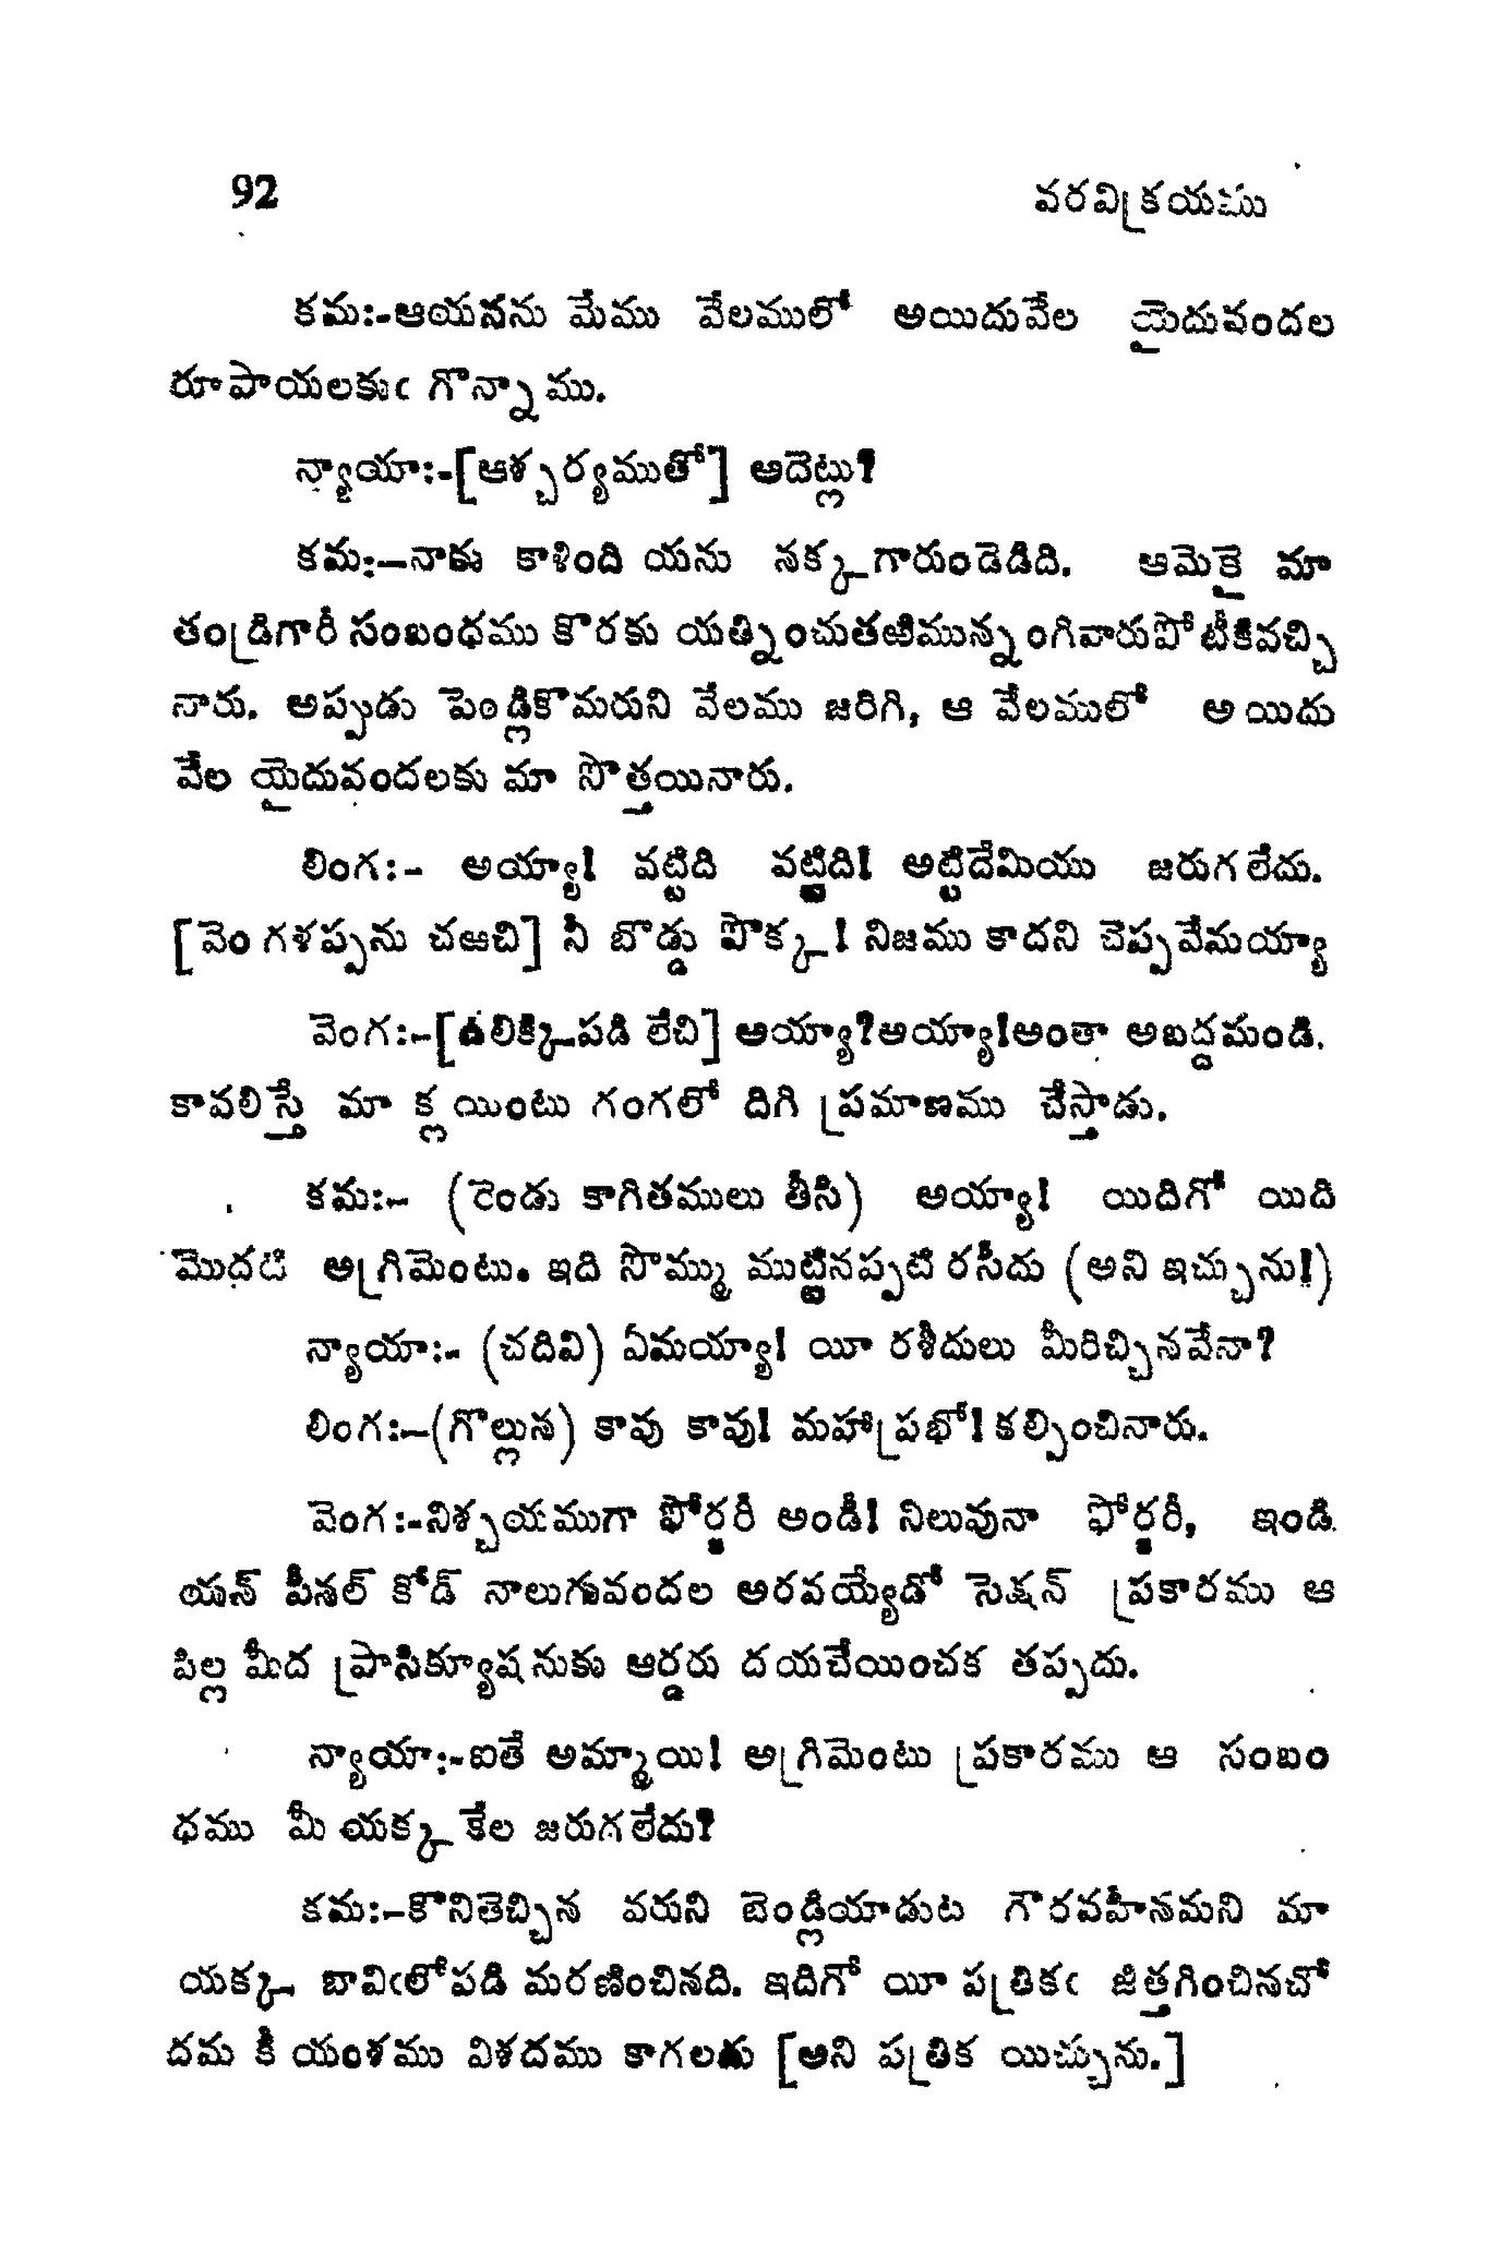కమ :- ఆయనను మేము వేలములో అయిదువేల యైదువందల రూపాయలకుఁ గొన్నాము.

న్యాయా :- (ఆశ్చర్యముతో) అదెట్లు?

కమ :- నాకు కాళింది యను నక్కగారుండెడిది. ఆమెకై మాతండ్రిగారీ సంబంధము కొఱకు యత్నించుతఱి మున్నంగివారు పోటీకి వచ్చినారు. అప్పుడు పెండ్లికొమరుని వేలము జరిగి, ఆ వేలములో అయిదువేల అయిదువందలకు మా సొత్తయినారు.

లింగ :- అయ్యా! వట్టిది వట్టిది! అట్టిదేమియు జరుగలేదు! (వెంగళప్పను చఱచి) నీ బొడ్డు పొక్క! నిజముకాదని చెప్పవేమయ్యా!

వెంగ :- (ఉలిక్కిపడి లేచి) అయ్యా! అయ్యా! అంతా అబద్ధమండి. కావలిస్తే మా క్లయింటు గంగలో దిగి ప్రమాణం చేస్తాడు.

కమ :- (రెండు కాగితములు తీసి) అయ్యా! యిదిగో యిది మొదటి అగ్రిమెంటు. ఇది సొమ్ము ముట్టినప్పటి రసీదు. (అని యిచ్చును!)

న్యాయా :- (చదివి) ఏమయ్యా! ఈ రశీదులు మీరిచ్చినవేనా?

లింగ :- (గొల్లున) కావు కావు! మహాప్రభో! కల్పించినారు.

వెంగ :- నిశ్చయముగా ఫోర్జరీ అండీ! నిలువునా ఫోర్జరీ! ఇండియన్‌ పీనల్‌ కోడ్ నాలుగువందల అరవయ్యేడో సెక్షన్ ప్రకారము ఆపిల్లమీద ప్రాసిక్యూషనుకు ఆర్డరు దయచేయించక తప్పదు.

న్యాయా :- ఐతే అమ్మాయి! అగ్రిమెంటు ప్రకారము ఆ సంబంధము మీ యక్క కేల జరుగలేదు?

కమ :- కొనితెచ్చిన వరుని బెండ్లియాడుట గౌరవహీనమని మా యక్క బావిలోఁపడి మరణించినది. ఇదిగో యీ పత్రికఁ జిత్తగించినచో దమ కీ యంశము విశదము కాగలదు. (అని పత్రిక యిచ్చును.)